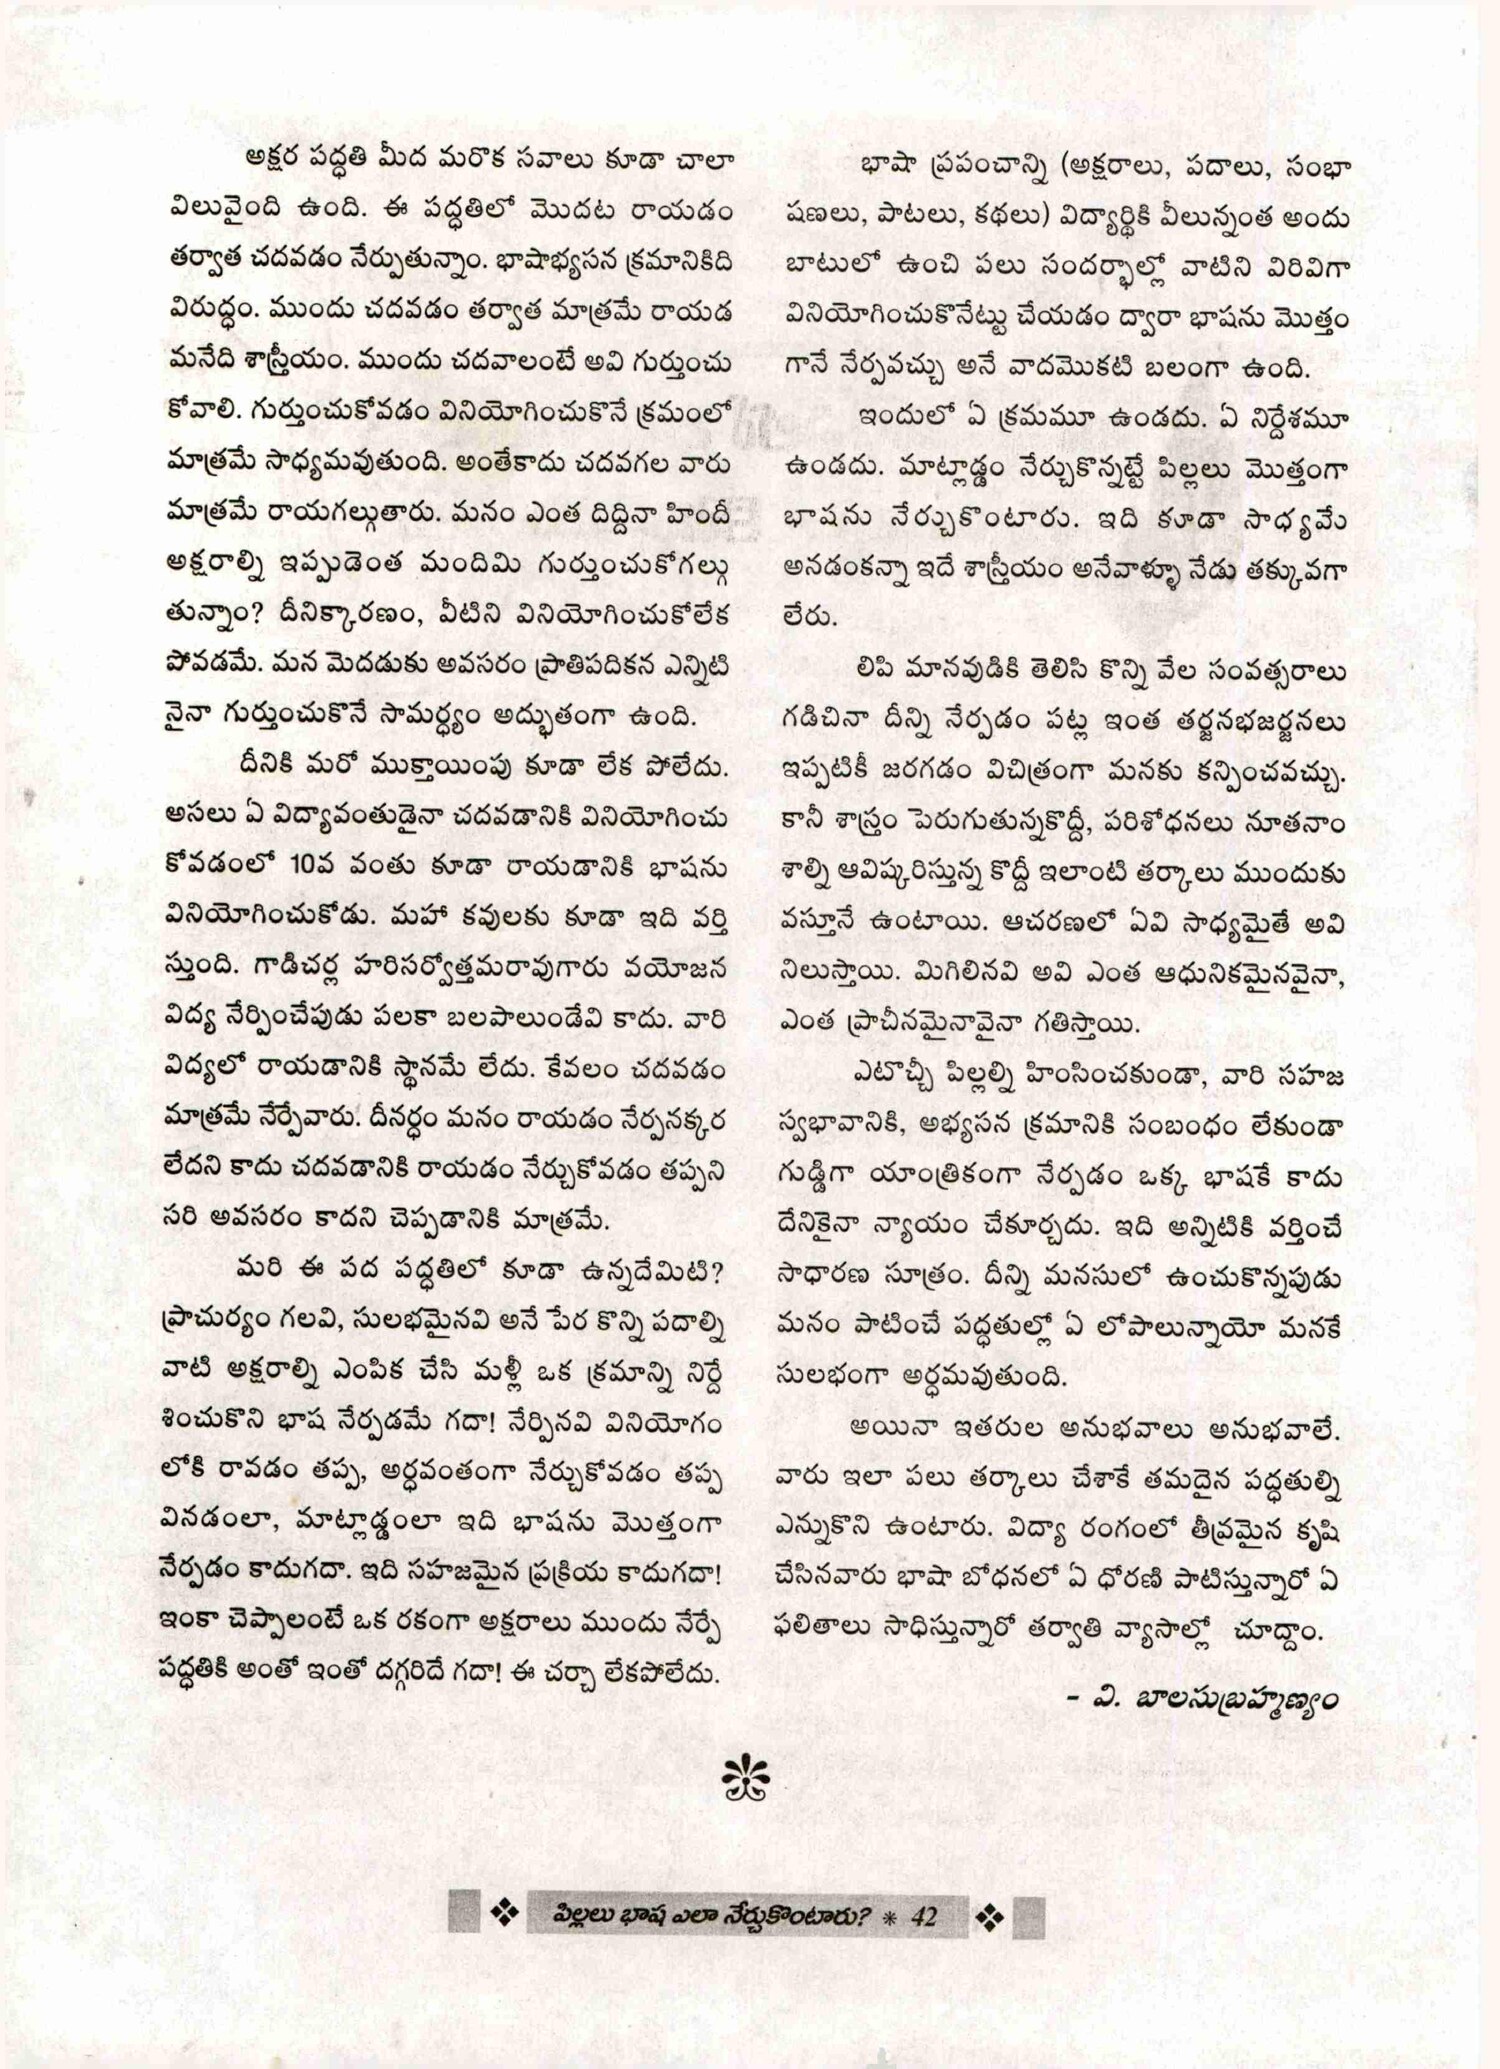అక్షర పద్ధతి మీద మరొక సవాలు కూడా చాలా విలువైంది ఉంది. ఈ పద్ధతిలో మొదట రాయడం తర్వాత చదవడం నేర్పుతున్నాం. భాషాభ్యసన క్రమానికిది విరుద్ధం. ముందు చదవడం తర్వాత మాత్రమే రాయడ మనేది శాస్త్రీయం. ముందు చదవాలంటే అవి గుర్తుంచుకోవాలి. గుర్తుంచుకోవడం వినియోగించుకొనే క్రమంలో మాత్రమే సాధ్యమవుతుంది. అంతేకాదు చదవగల వారు మాత్రమే రాయగల్గుతారు. మనం ఎంత దిద్దినా హిందీ అక్షరాల్ని ఇప్పుడెంత మందిమి గుర్తుంచుకోగల్గు తున్నాం? దీనిక్కారణం, వీటిని వినియోగించుకోలేక పోవడమే. మన మెదడుకు అవసరం ప్రాతిపదికన ఎన్నిటినైనా గుర్తుంచుకొనే సామర్ధ్యం అద్భుతంగా ఉంది.

దీనికి మరో ముక్తాయింపు కూడా లేక పోలేదు. అసలు ఏ విద్యావంతుడైనా చదవడానికి వినియోగించు కోవడంలో 10వ వంతు కూడా రాయడానికి భాషను వినియోగించుకోడు. మహా కవులకు కూడా ఇది వర్తిస్తుంది. గాడిచర్ల హరిసర్వోత్తమరావుగారు వయోజన విద్య నేర్పించేపుడు పలకా బలపాలుండేవి కాదు. వారి విద్యలో రాయడానికి స్థానమే లేదు. కేవలం చదవడం మాత్రమే నేర్పేవారు. దీనర్ధం మనం రాయడం నేర్పనక్కర లేదని కాదు చదవడానికి రాయడం నేర్చుకోవడం తప్పనిసరి అవసరం కాదని చెప్పడానికి మాత్రమే.

మరి ఈ పద పద్ధతిలో కూడా ఉన్నదేమిటి? ప్రాచుర్యం గలవి, సులభమైనవి అనే పేర కొన్ని పదాల్ని వాటి అక్షరాల్ని ఎంపిక చేసి మళ్లీ ఒక క్రమాన్ని నిర్దేశించుకొని భాష నేర్పడమే గదా! నేర్పినవి వినియోగంలోకి రావడం తప్ప, అర్ధవంతంగా నేర్చుకోవడం తప్ప వినడంలా, మాట్లాడ్డంలా ఇది భాషను మొత్తంగా నేర్పడం కాదుగదా. ఇది సహజమైన ప్రక్రియ కాదుగదా! ఇంకా చెప్పాలంటే ఒక రకంగా అక్షరాలు ముందు నేర్పే పద్ధతికి అంతో ఇంతో దగ్గరిదే గదా! ఈ చర్చా లేకపోలేదు.

భాషా ప్రపంచాన్ని (అక్షరాలు, పదాలు, సంభాషణలు, పాటలు, కథలు) విద్యార్థికి వీలున్నంత అందుబాటులో ఉంచి పలు సందర్భాల్లో వాటిని విరివిగా వినియోగించుకొనేట్టు చేయడం ద్వారా భాషను మొత్తంగానే నేర్పవచ్చు అనే వాదమొకటి బలంగా ఉంది.

ఇందులో ఏ క్రమమూ ఉండదు. ఏ నిర్దేశమూ ఉండదు. మాట్లాడ్డం నేర్చుకొన్నట్టే పిల్లలు మొత్తంగా భాషను నేర్చుకొంటారు. ఇది కూడా సాధ్యమే అనడంకన్నా ఇదే శాస్త్రీయం అనేవాళ్ళూ నేడు తక్కువగా లేరు.

లిపి మానవుడికి తెలిసి కొన్ని వేల సంవత్సరాలు గడిచినా దీన్ని నేర్పడం పట్ల ఇంత తర్జనభజర్జనలు ఇప్పటికీ జరగడం విచిత్రంగా మనకు కన్పించవచ్చు. కానీ శాస్త్రం పెరుగుతున్నకొద్దీ, పరిశోధనలు నూతనాంశాల్ని ఆవిష్కరిస్తున్న కొద్దీ ఇలాంటి తర్కాలు ముందుకు వస్తూనే ఉంటాయి. ఆచరణలో ఏవి సాధ్యమైతే అవి నిలుస్తాయి. మిగిలినవి అవి ఎంత ఆధునికమైనవైనా, ఎంత ప్రాచీనమైనావైనా గతిస్తాయి.

ఎటొచ్చీ పిల్లల్ని హింసించకుండా, వారి సహజ స్వభావానికి, అభ్యసన క్రమానికి సంబంధం లేకుండా గుడ్డిగా యాంత్రికంగా నేర్పడం ఒక్క భాషకే కాదు దేనికైనా న్యాయం చేకూర్చదు. ఇది అన్నిటికి వర్తించే సాధారణ సూత్రం. దీన్ని మనసులో ఉంచుకొన్నపుడు మనం పాటించే పద్ధతుల్లో ఏ లోపాలున్నాయో మనకే సులభంగా అర్ధమవుతుంది.

అయినా ఇతరుల అనుభవాలు అనుభవాలే. వారు ఇలా పలు తర్కాలు చేశాకే తమదైన పద్ధతుల్ని ఎన్నుకొని ఉంటారు. విద్యా రంగంలో తీవ్రమైన కృషి చేసినవారు భాషా బోధనలో ఏ ధోరణి పాటిస్తున్నారో ఏ ఫలితాలు సాధిస్తున్నారో తర్వాతి వ్యాసాల్లో చూద్దాం.